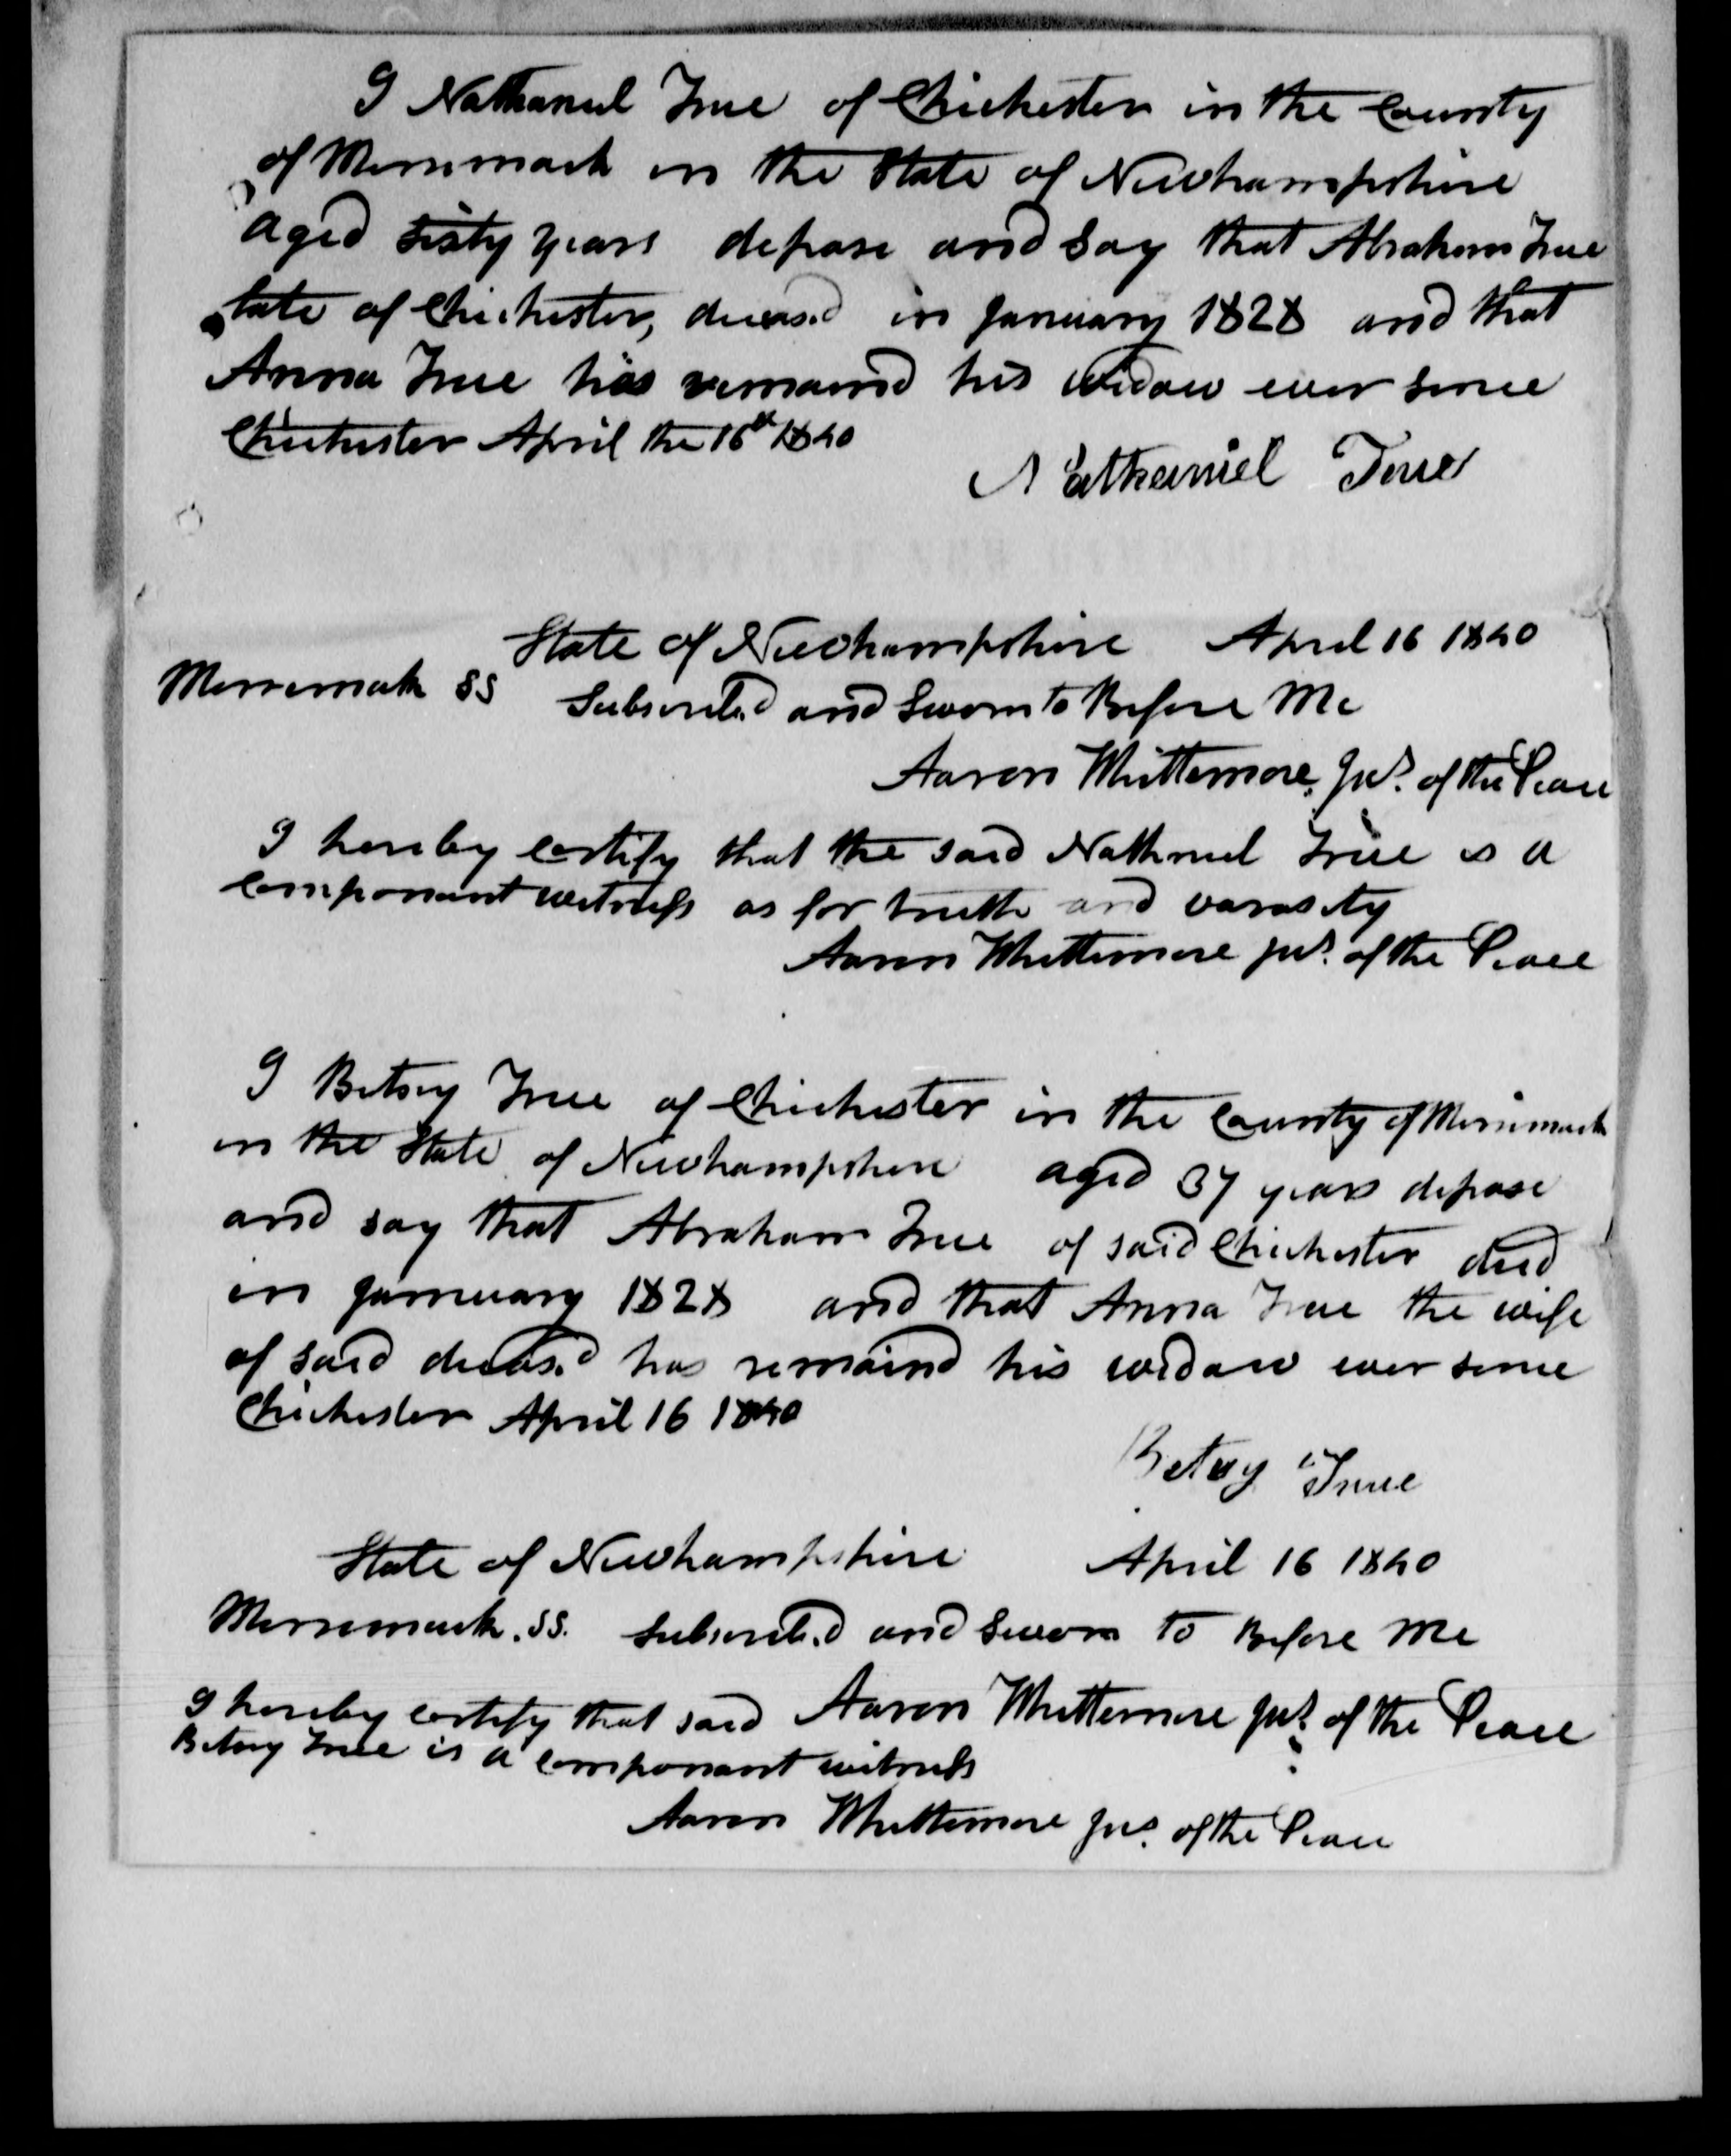I Nathaniel True of Chichester in the county of Monmouth in the State of New Hampshire aged sixty years depose and say that Abram True, late of Chichester, deceased in January 1828 and that Anna True was his remained his widow ever since Chichester April the 16th 1840.
Nathaniel True

State of Newhampshire April 16, 1940
Monmouth SS Subscribed and sworn to before me
Aaron Whittemore, Jus. of the Peace
True is a competent witness.         
Aaron Whittemore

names: Aaron Whittemore, Aaron Whittemore, Abraham True, Nathaniel True, Nathniel True, Betsey True, Betsey True, Abraham True, Anna True, Aaron Whittemore, Nathaniel True, Anna True, Aaron Whittemore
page: 7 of 24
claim: widow's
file: W. 16,451, Abraham True, N.H.